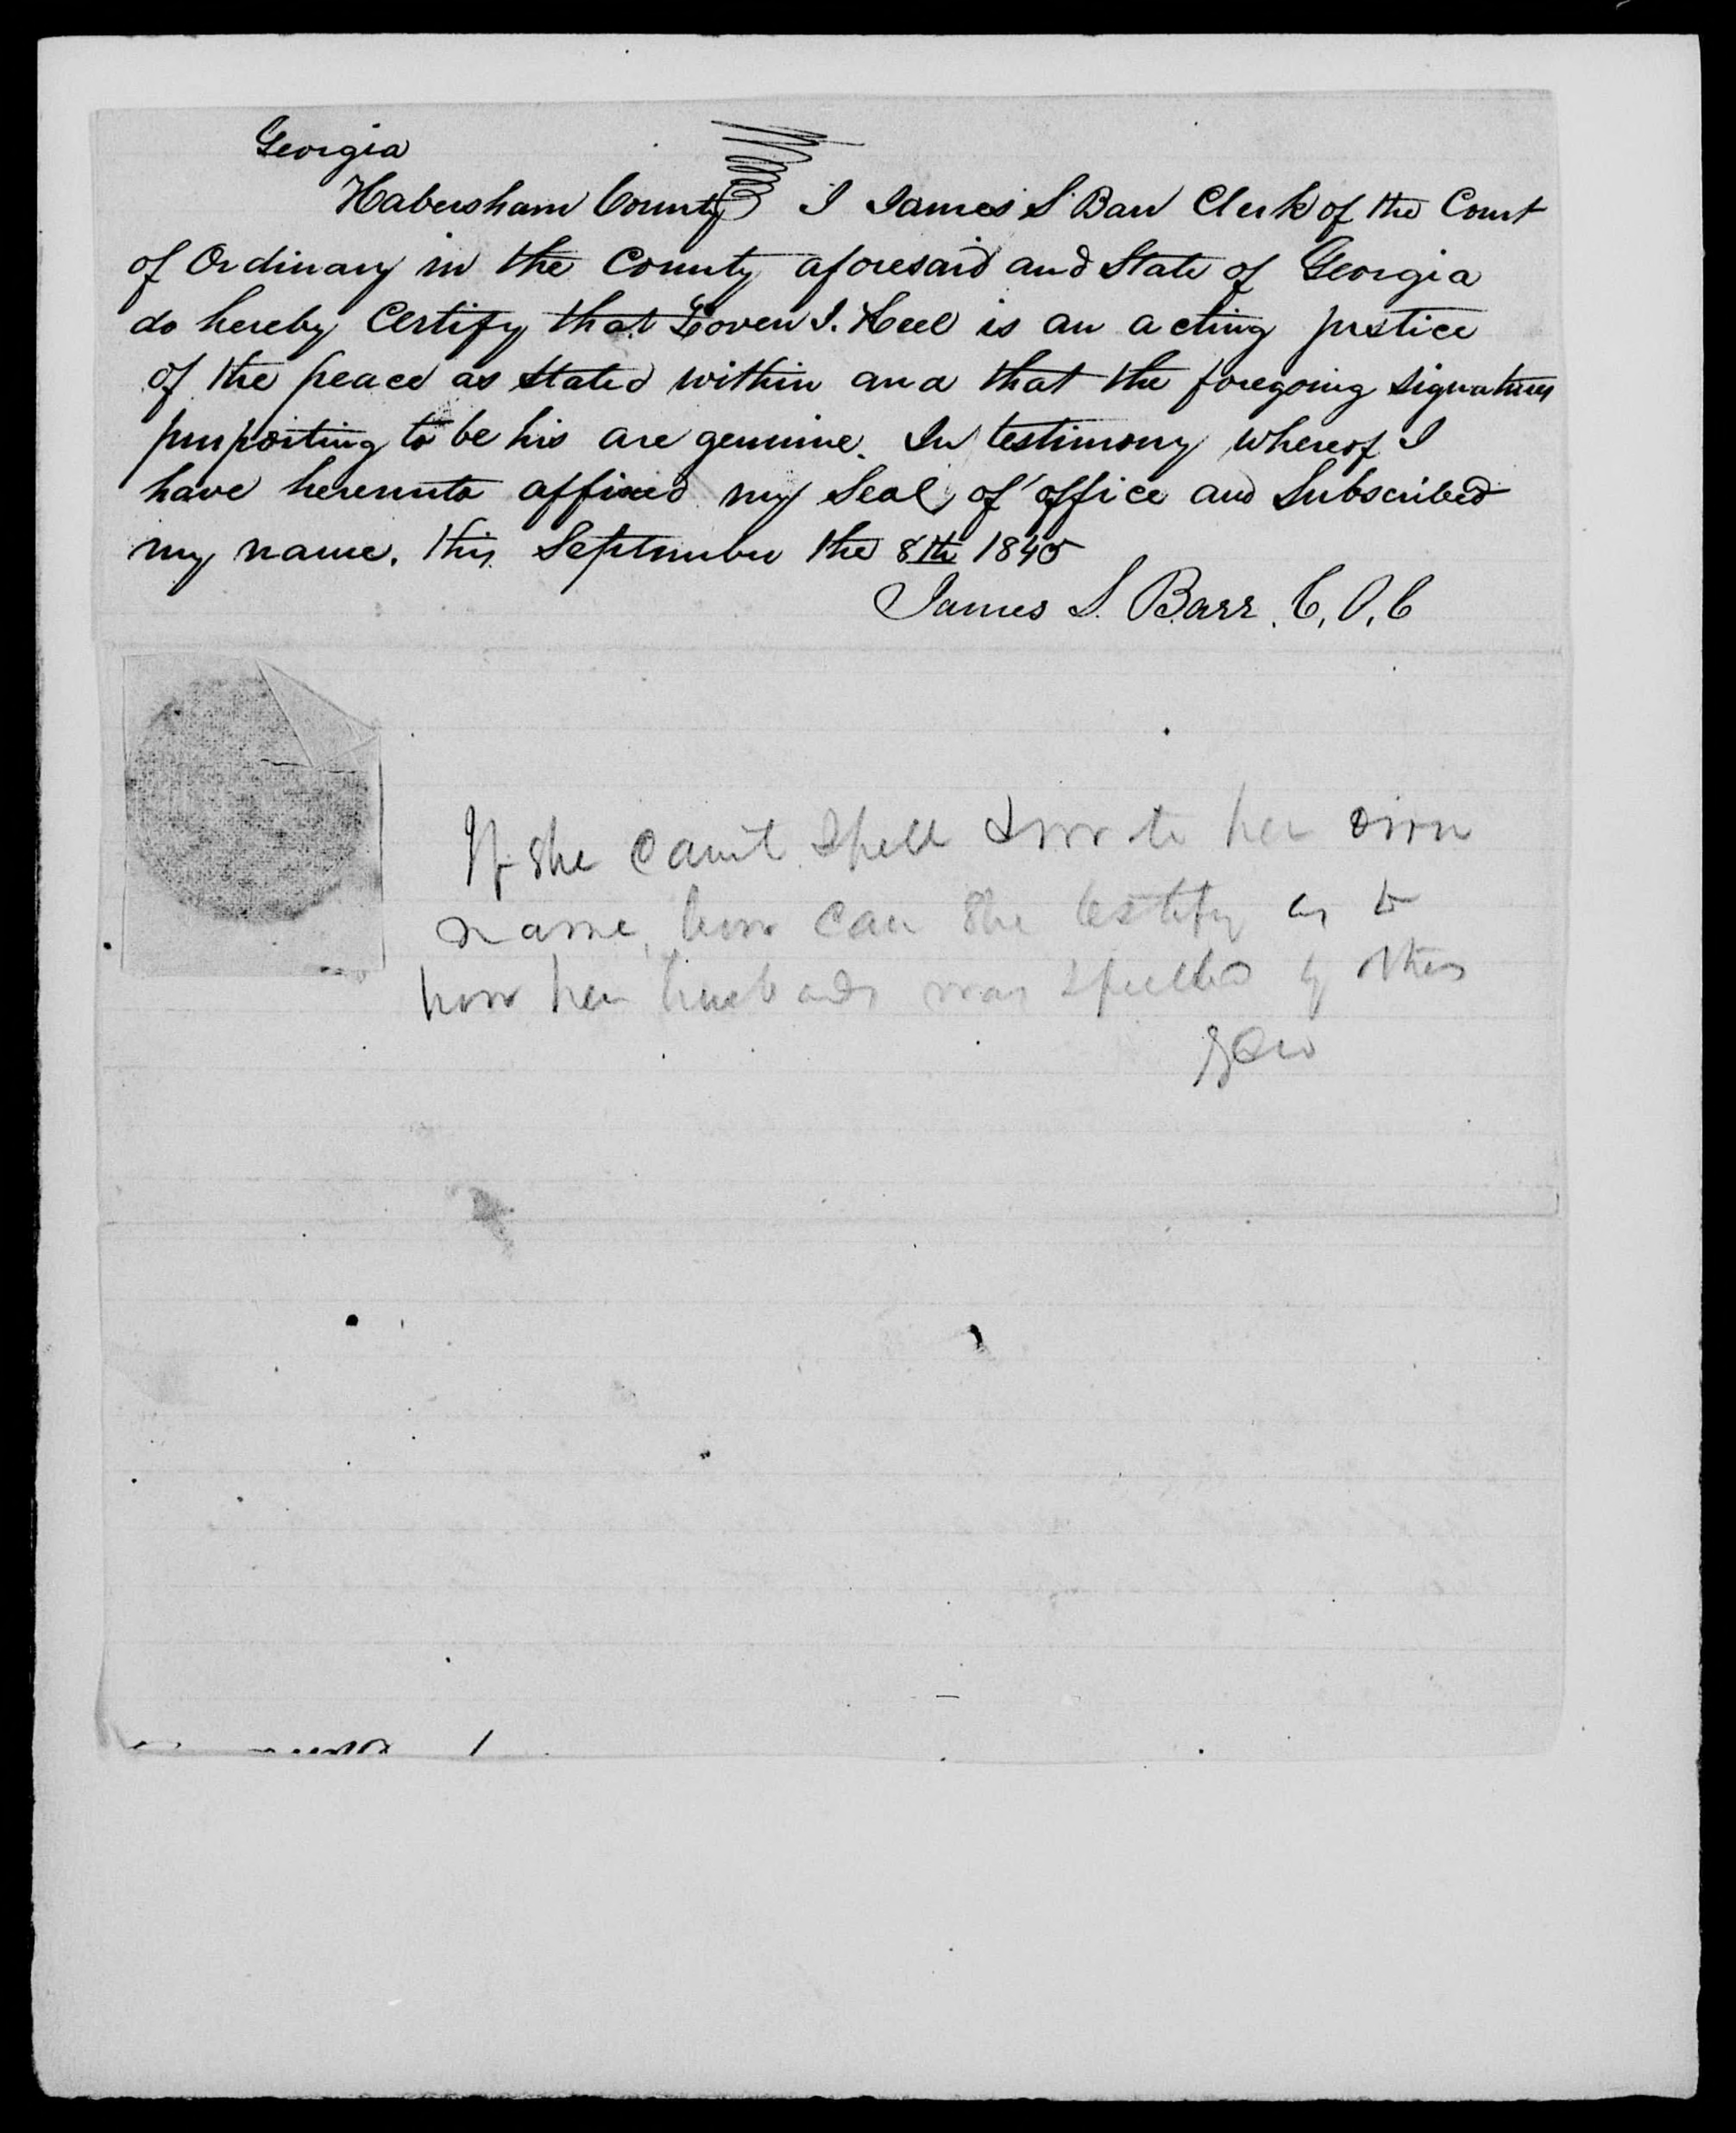Georgia
Wabashaw County (vertical squiggle line) I James S. Baw Clerk of the court of Ordinary in the county aforesaid and State of Georgia do hereby certify that Loven J Heel is an acting Justice of the Peace as stated within and that the foregoing signature purporting to be his are genuine. In testimony whereof I have hereunto affixed my seal of office and subscribed my name this September the 8th 1845
James S. Barr, C.O.C

Seal was placed, but not legible.

There is a note attached that is scribbled and very lightly penned. The jest is as follows the best I can make out: She can’t write her own name (not legible word) can she testify in behalf her husband (there are at least four other words that have worn and not legible then initials are not legible either.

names: James S Barr, Loven J Heel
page: 6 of 108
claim: rejected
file: R. 7,515, John Hudgins, N.C.